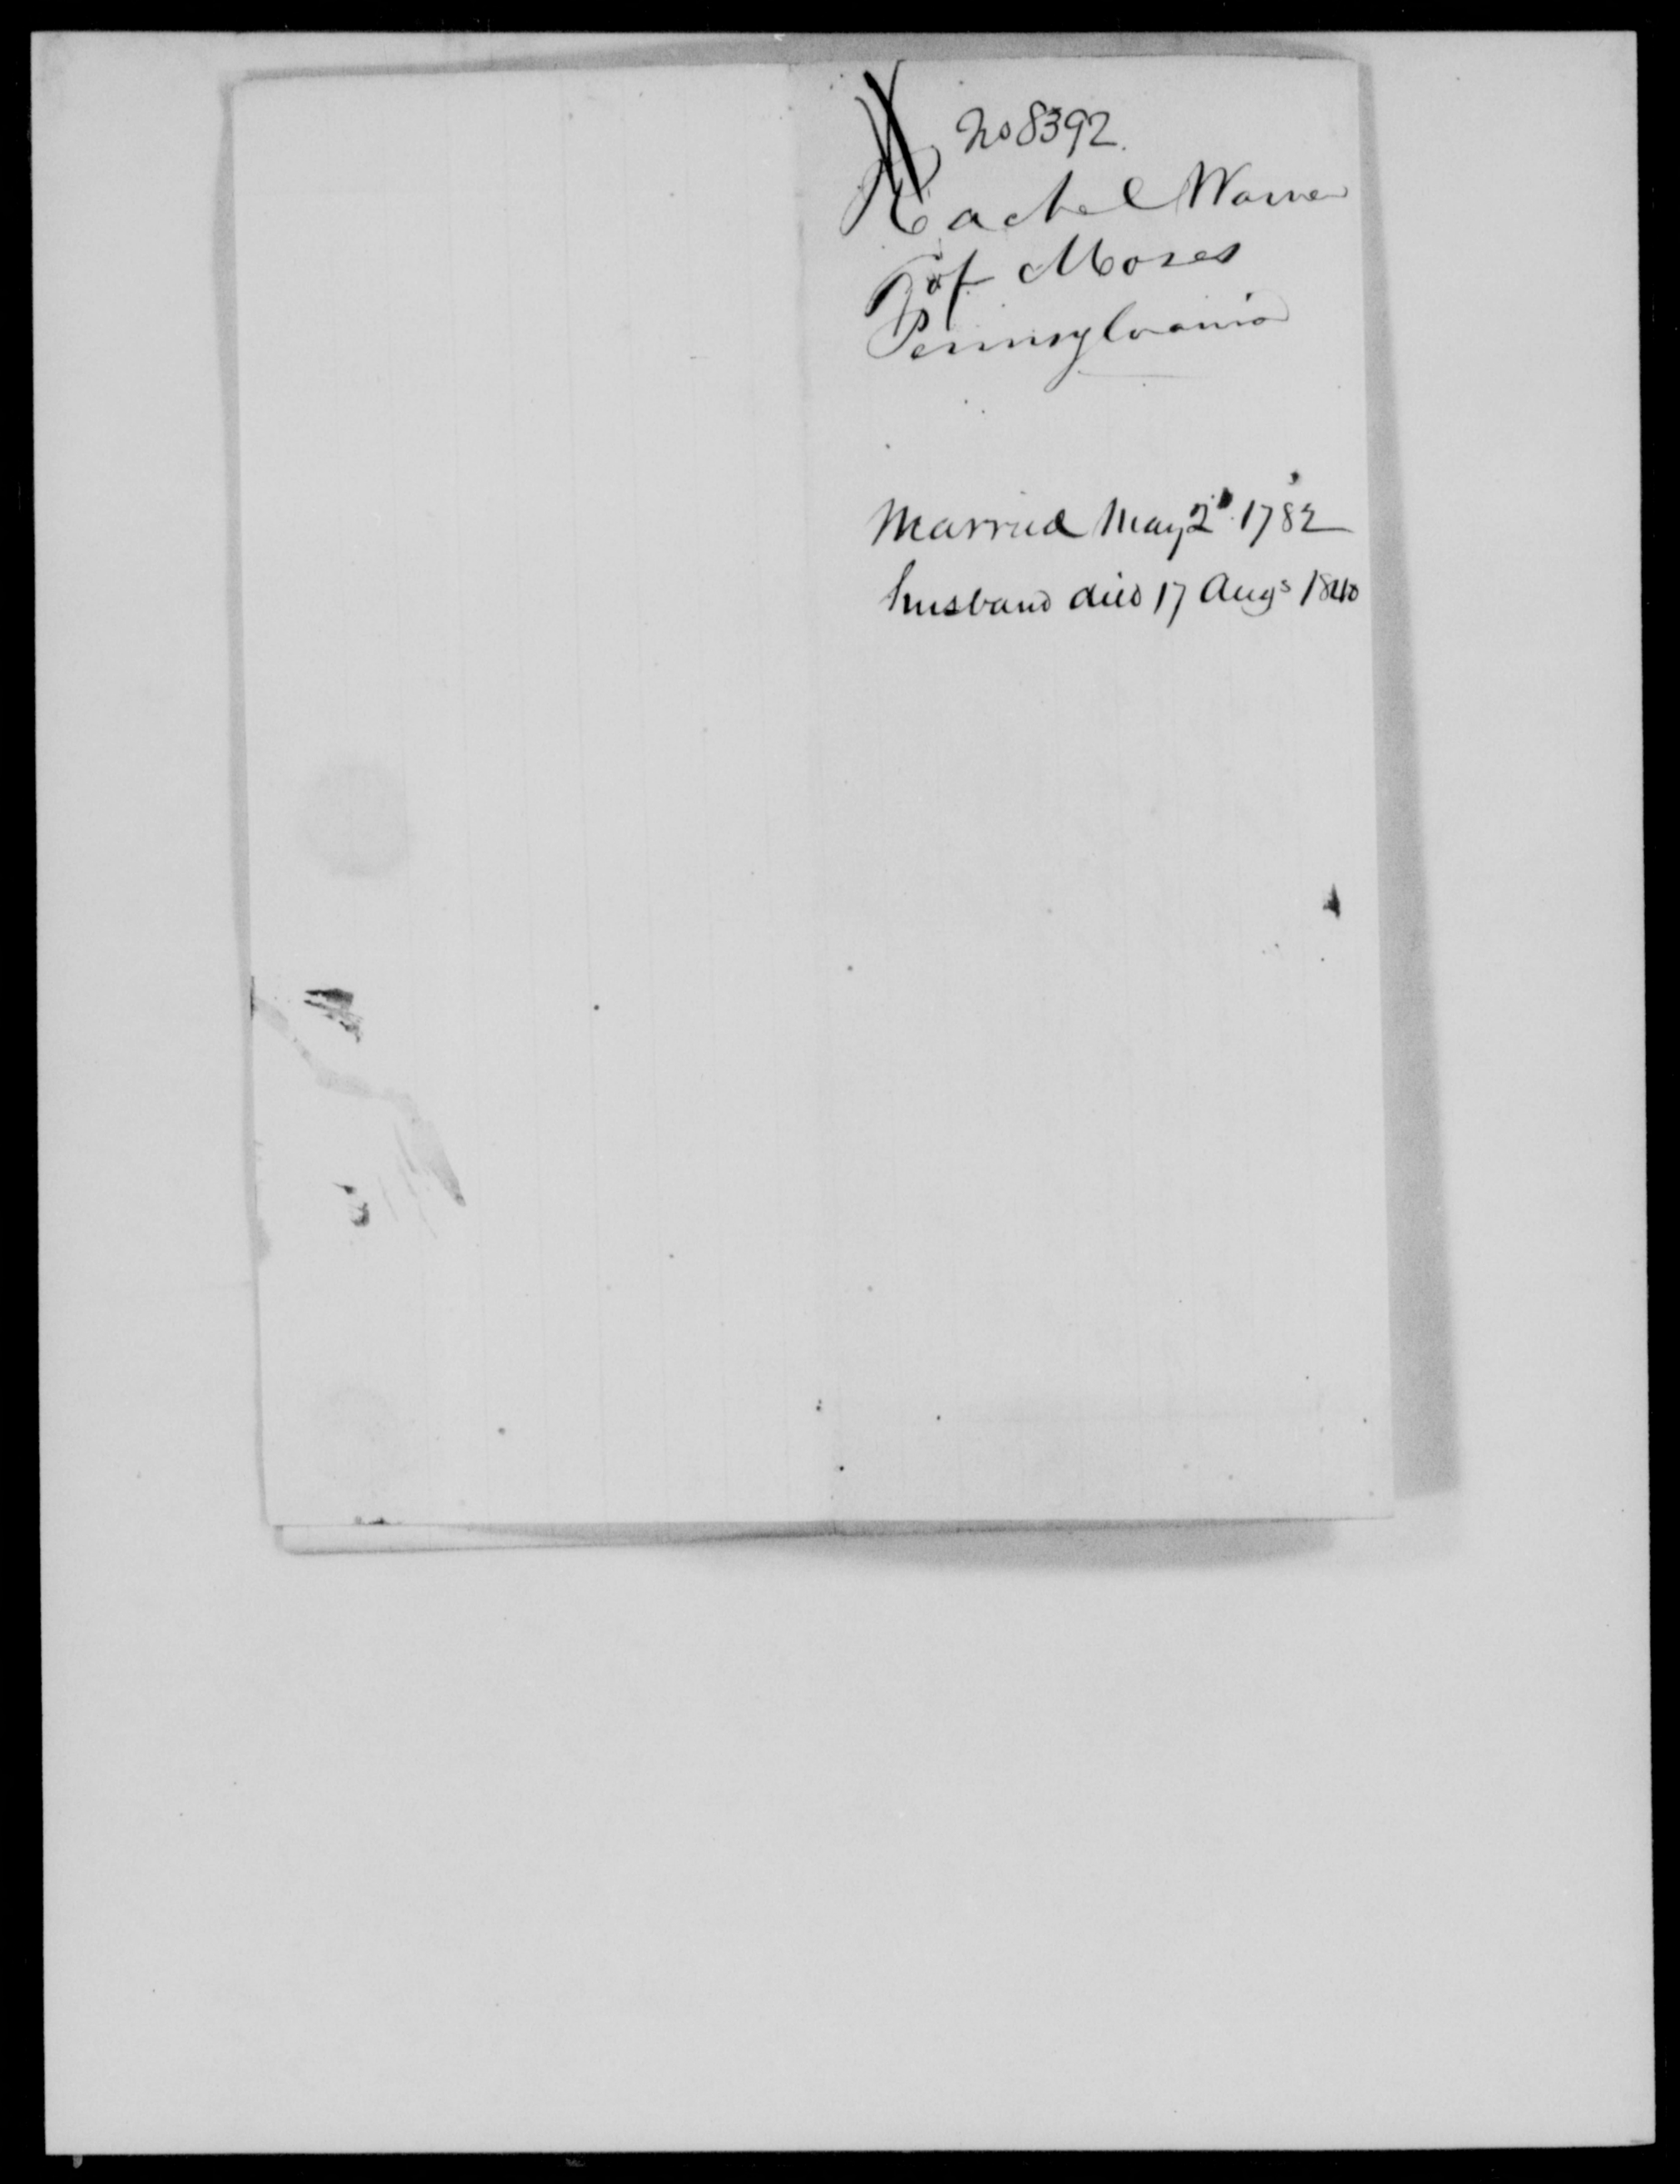No 8392
Rachel Warner
of Moses
Pennsylvania

Married May 2 1782
husband died 17 August 1840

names: Rachel Warner, Moses Warner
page: 6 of 40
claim: widow's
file: W. 3742, Moses Warner, Conn.